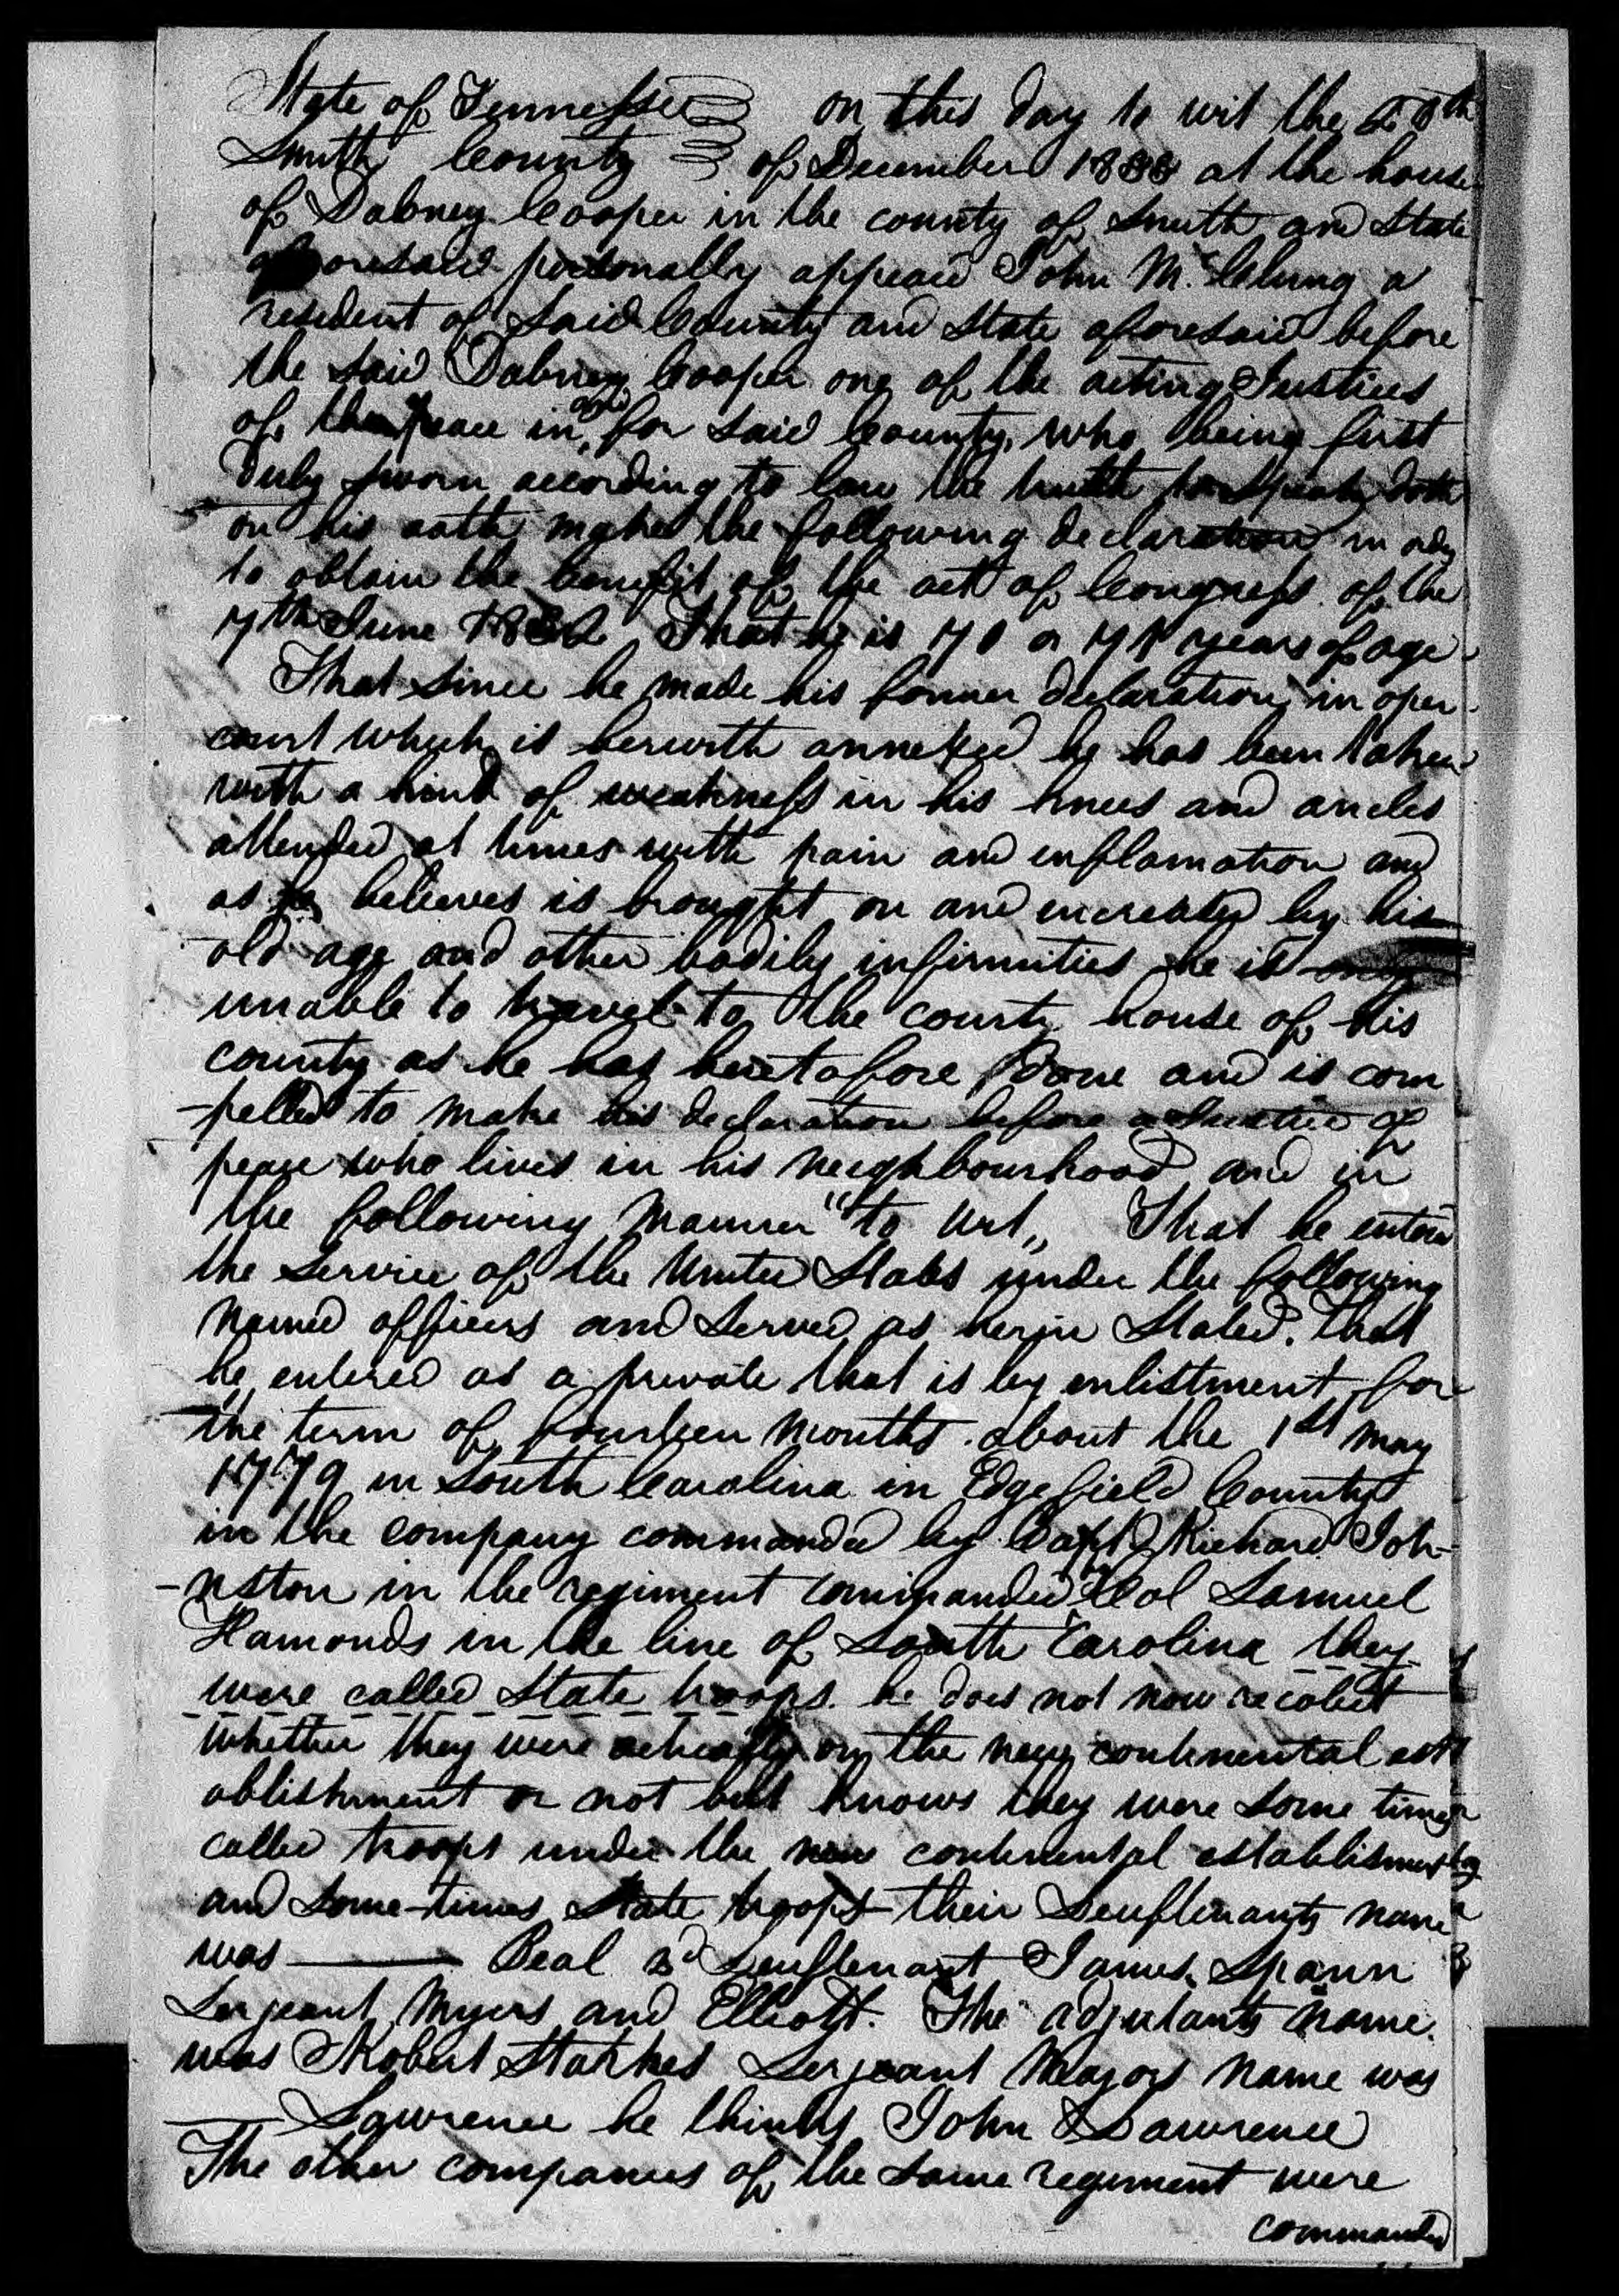State of Tennessee
Smith County
on this day to wit the 20th of December 1838 at the house of Dabney Cooper in the County of Smith and State foresaid personally appeared John McClung a resident of said County and State aforesaid before the said Dabney Cooper one of the acting Justices of the peace in for said County, who being first duly sworn according to law the truth to speak doth on his oath make the following declaration in order to obtain the benefit of the act of Congress of the 7th June 1832 

That is 70 or 71 years of age. That since he made his former declaration in open Court which is herewith annexed by has been taken with a kind of weakness in his knees and ankles attended at times with pain and inflammation and as believes is brought on and increased by his old age and other bodily infirmities. He is unable to move to the courthouse of his County as he has heretofore done and is compelled to make his declaration before one of Justices of the Peace who lives in his neighbourhood and in the following manner to wit,

That he entered the service of the United States under the following named officers and served as herein stated. That he entered as a private that is by enlistment for the term of fourteen months about the 1st May 1779 in South Carolina in Edgefield County in the company commanded by Capt Richard Johnston in the regiment commanded Col Samuel Hamonds in the line of South Carolina they were called State troops he does not now recollect whether they were actually on the continental establishment or not but well knows they were some time called troops under the now continental establishment and sometimes State troops of their Lieutenant's name was _____ Beal 2nd Lieutenant James Spann, Sergeant Myers and Elliott. The Adjutants name was Robert Starkes Sergeant Major name was ______ Lawrence he thinks John Lawrence . The other companies of the same Regiment were
commanded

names: [BLANK] Myers; [BLANK] Beal; John Lawrence; James Spann; Richard Johnston; Samuel Hamonds; John Mc Clung; Robert Starkes; [BLANK] Elliott; Dabney Cooper; [BLANK] Lawrence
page: 39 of 115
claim: widow's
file: W. 1446, for John Mc Clung, South Carolina